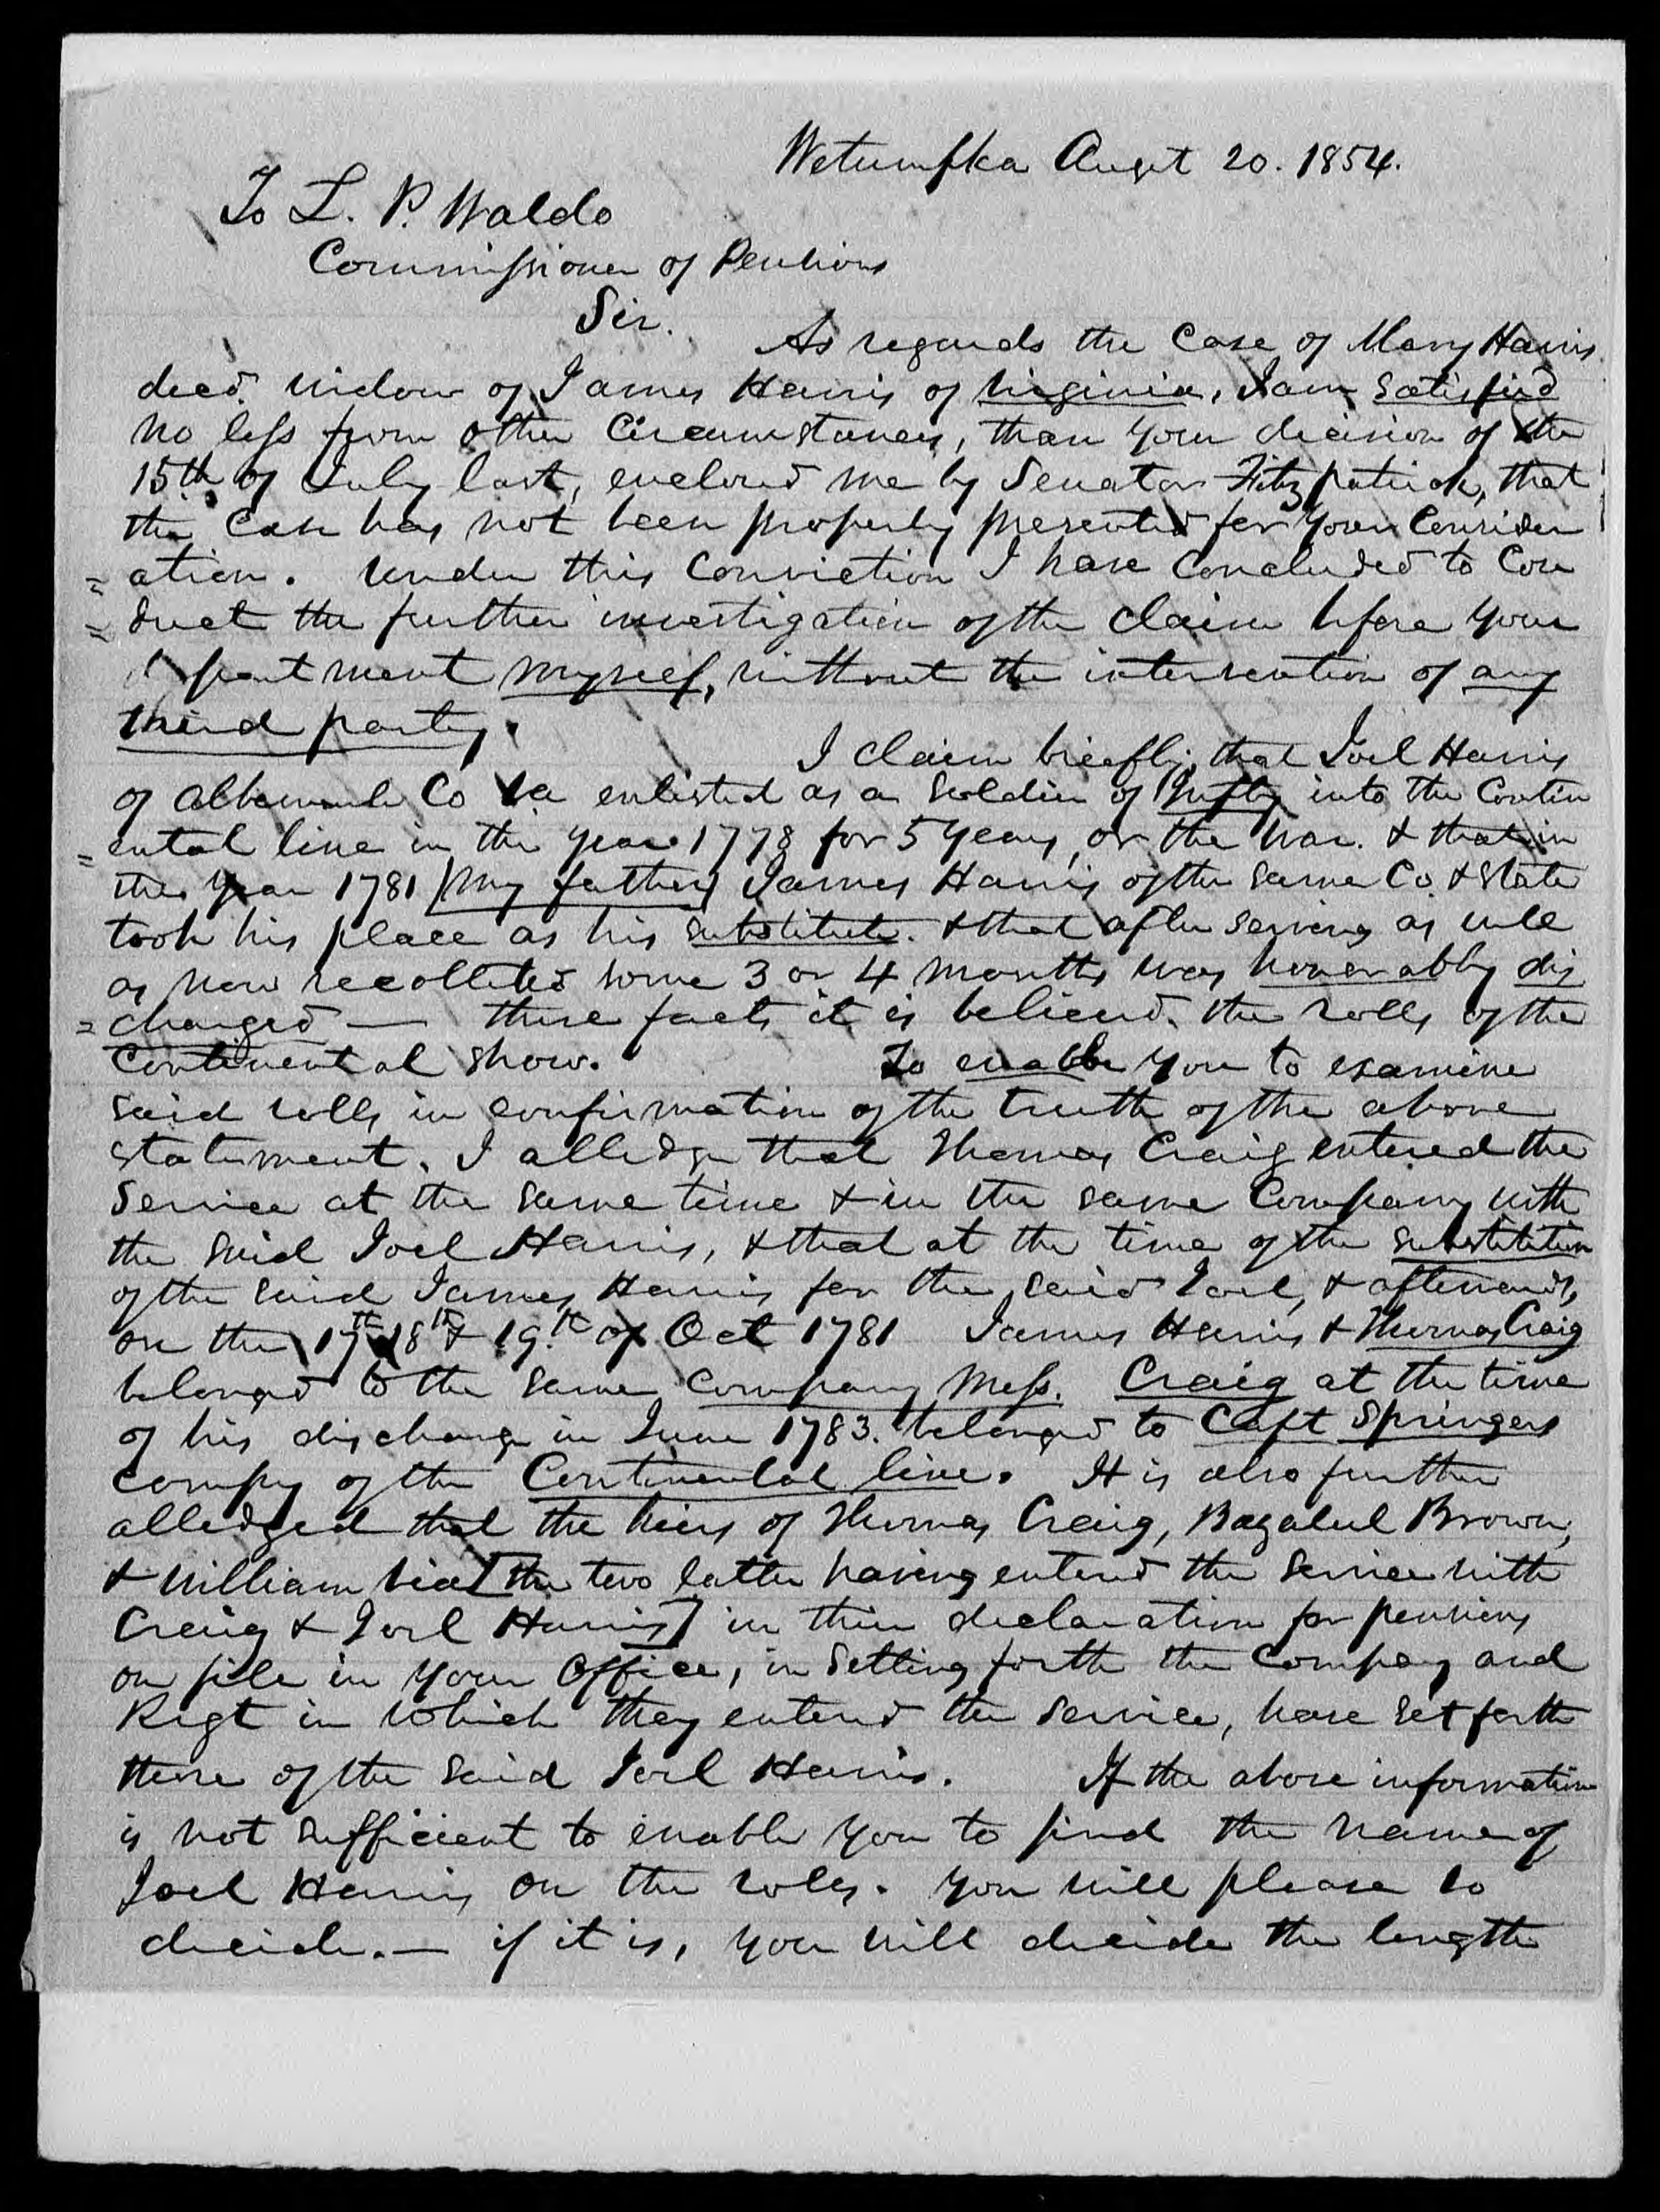Wetumpka Augt 20 1854

To L. P. Waldo
Commissioner of Pensions

Sir.
As regards the case of Mary Harris dec'd widow of James Harris of Virginia, I am satisfied no less from other circumstances than your decision of the 15th of July last, enclosed me by Senator Fitzpatrick, that the case has not been properly presented for your consideration.  Under this conviction I have concluded to conduct the further investigation of the claim before your department myself, without the intervention of any third party.
I claim briefly that Joel Harris of Albemarle Co Va. enlisted as a soldier of Infty into the Continental line in the year 1778 for 5 years or the war & that in the year 1781 my father James Harris of the same Co. & state took his place as his substitute & that after serving as [?] as now recollected some 3 or 4 months was honorably discharged--these facts it is believed, the rolls of the Continental show.
To enable you to examine said rolls in confirmation of the truth of the above statement, I alledge [sic] that Thomas Craig entered the service at the same time & in the same Company with the said Joel Harris, & that at the time of the substitution of the said James Harris for the said Joel, & afterwards on the 17th, 18th & 19th of Oct 1781 James Harris & Thomas Craig belonged to the same company mess. Craig at the time of his discharge in June 1783 belonged to Capt Springers Compy of the Continental line.  It is also further alledged [sic] that the heirs of Thomas Craig, Bazaleel Brown, & William Via (the two latter having entered the service with Craig & Joel Harris) in their declaration for pensions on file in your office, in setting forth the company and Regt in which they entered the service, have set forth those of the said Joel Harris.  If the above information is not sufficient to enable you to find the name of Joel Harris on the rolls, you will please so decide--it is is, you will decide the length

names: Thomas Craig, Thomas Craig, Joel Harris, James Harris, Joel Harris, Mary Harris, Craig, Fitzpatrick, William Viat, Bazaleel Brown, L P Waldo, Joel Harris, Joel, Joel Harris, Thomas Craig, Joel Harris, Craig, James Harris, James Harris, James Harris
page: 113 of 160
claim: rejected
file: R. 4666, James Harris, Va.